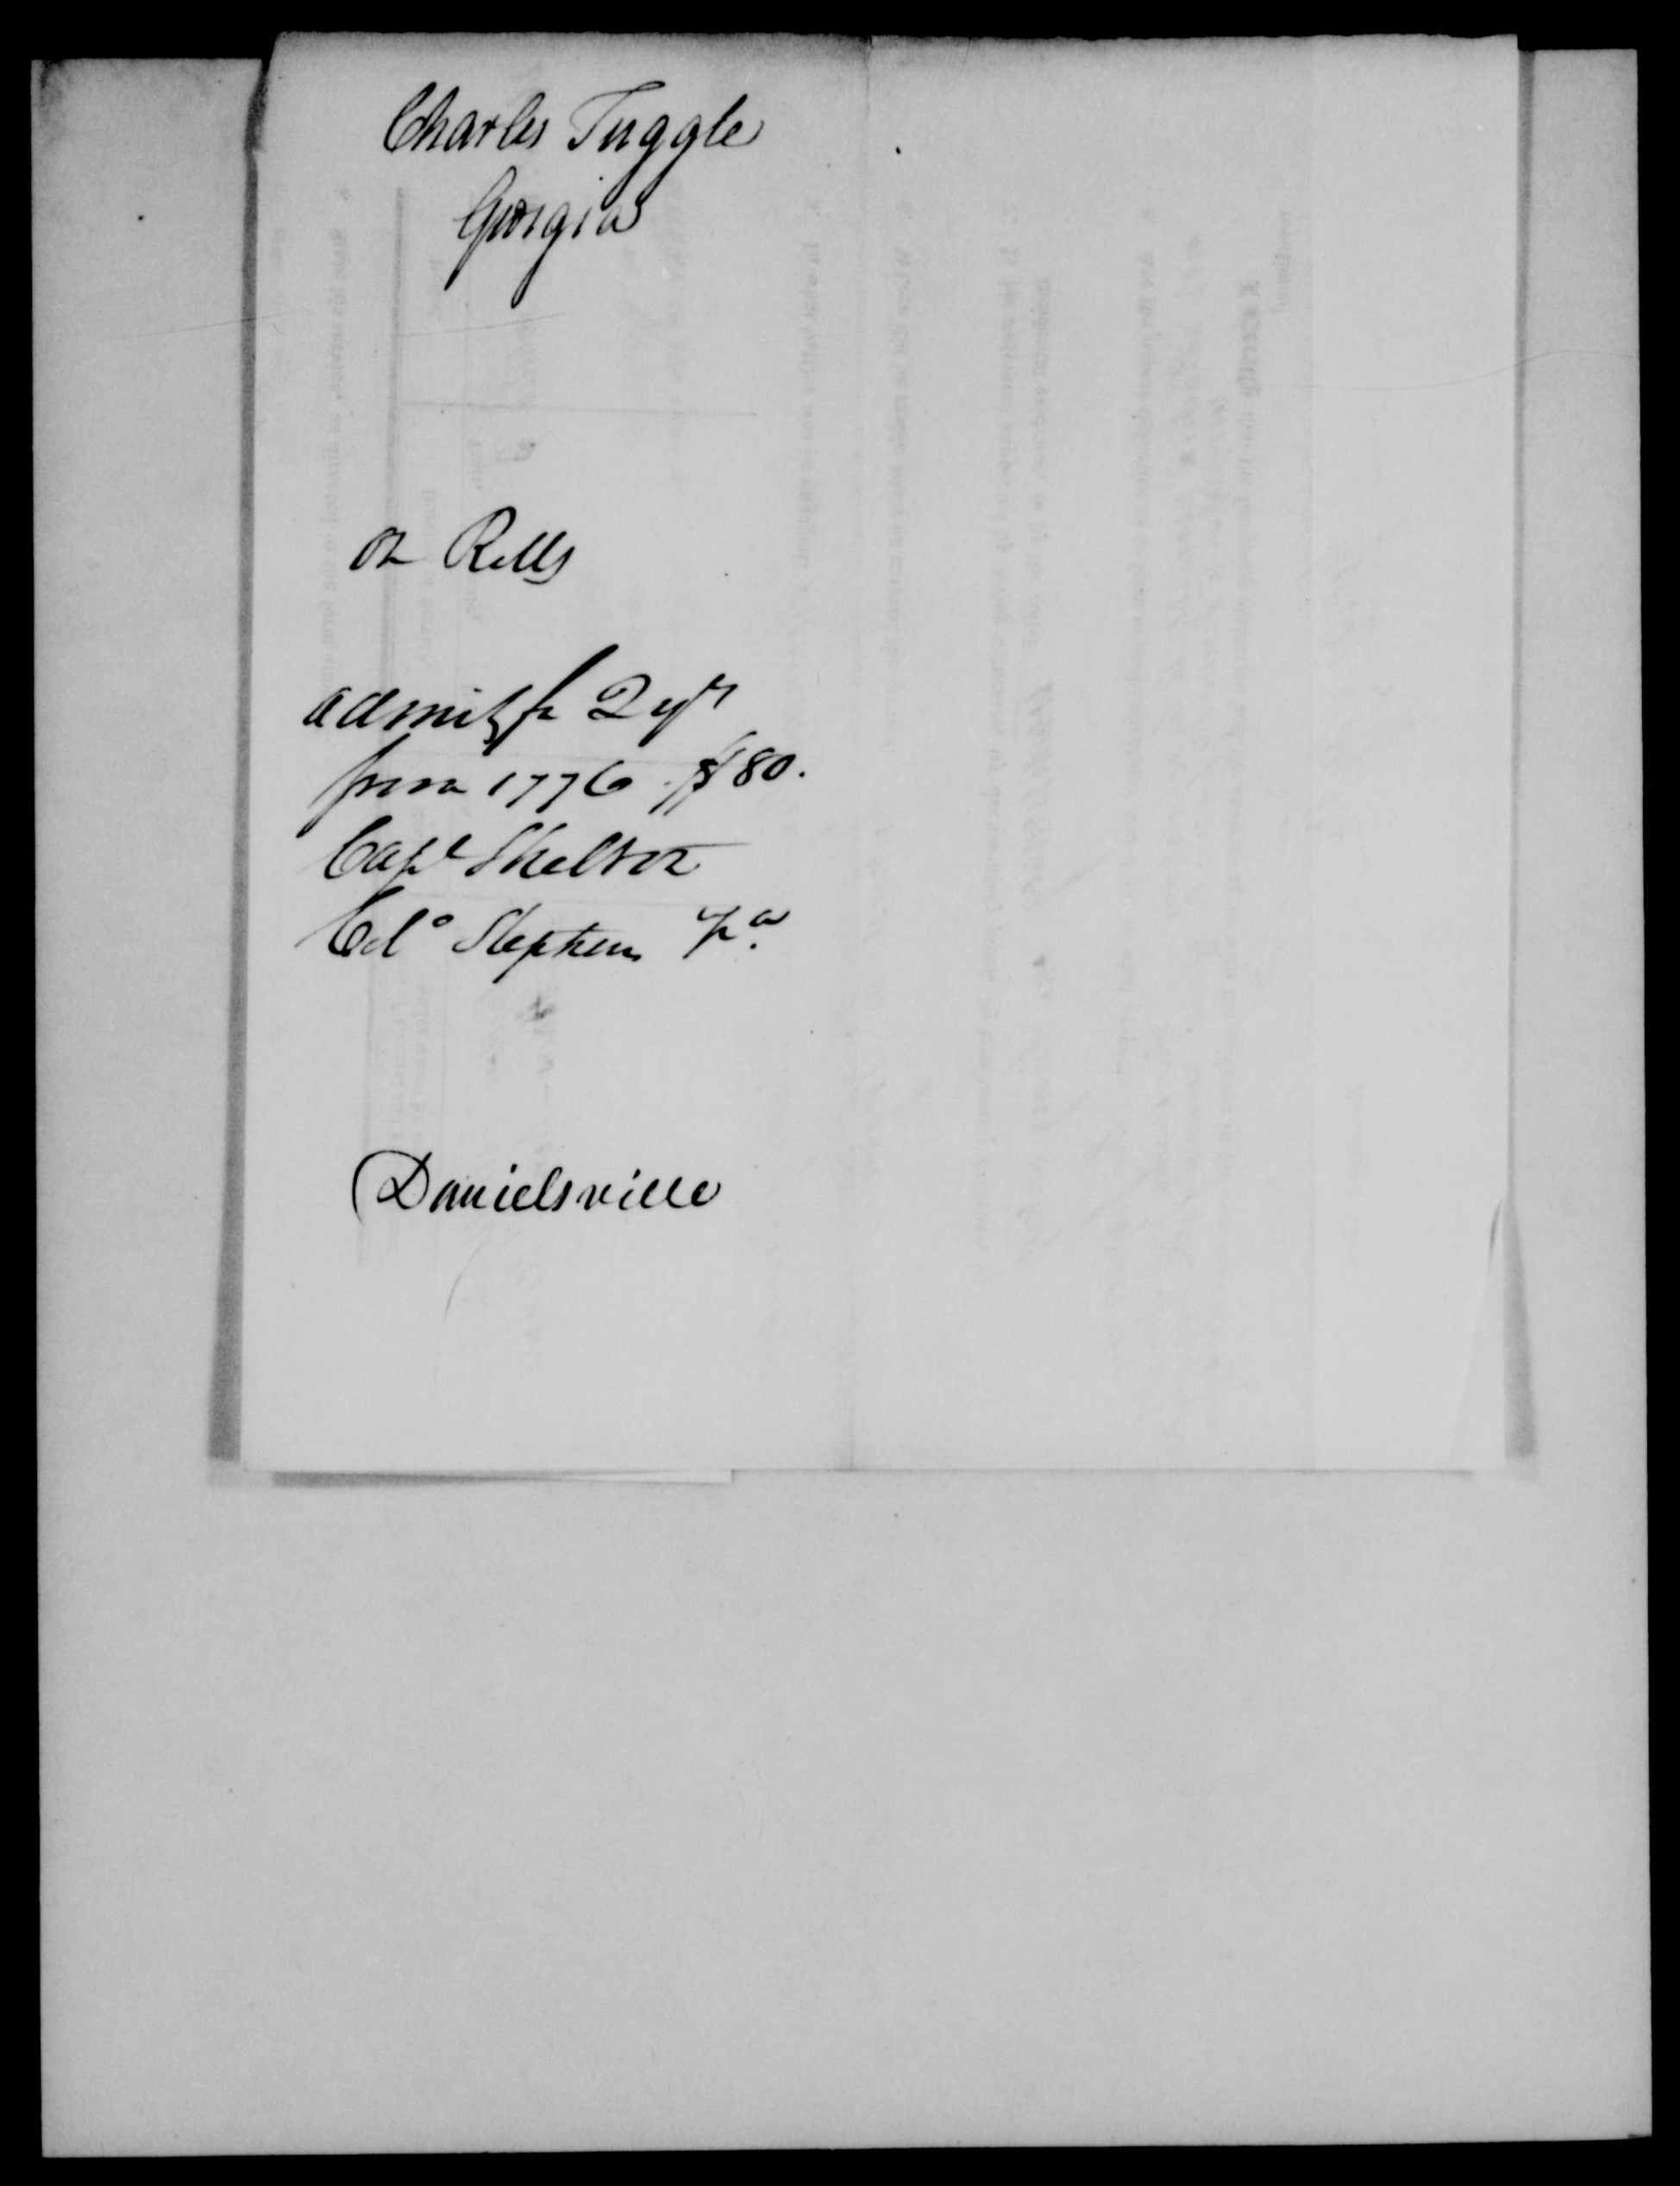Charles Tuggle
Georgia
On Rolls
Admit for 2 yr
[illegible] 1776 $80
Capt Shelton
Col Stephens
Danielsville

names: Shelton, Stephens, Charles Tuggle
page: 5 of 23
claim: survivor's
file: S. 32559, Charles Tuggle, Va.